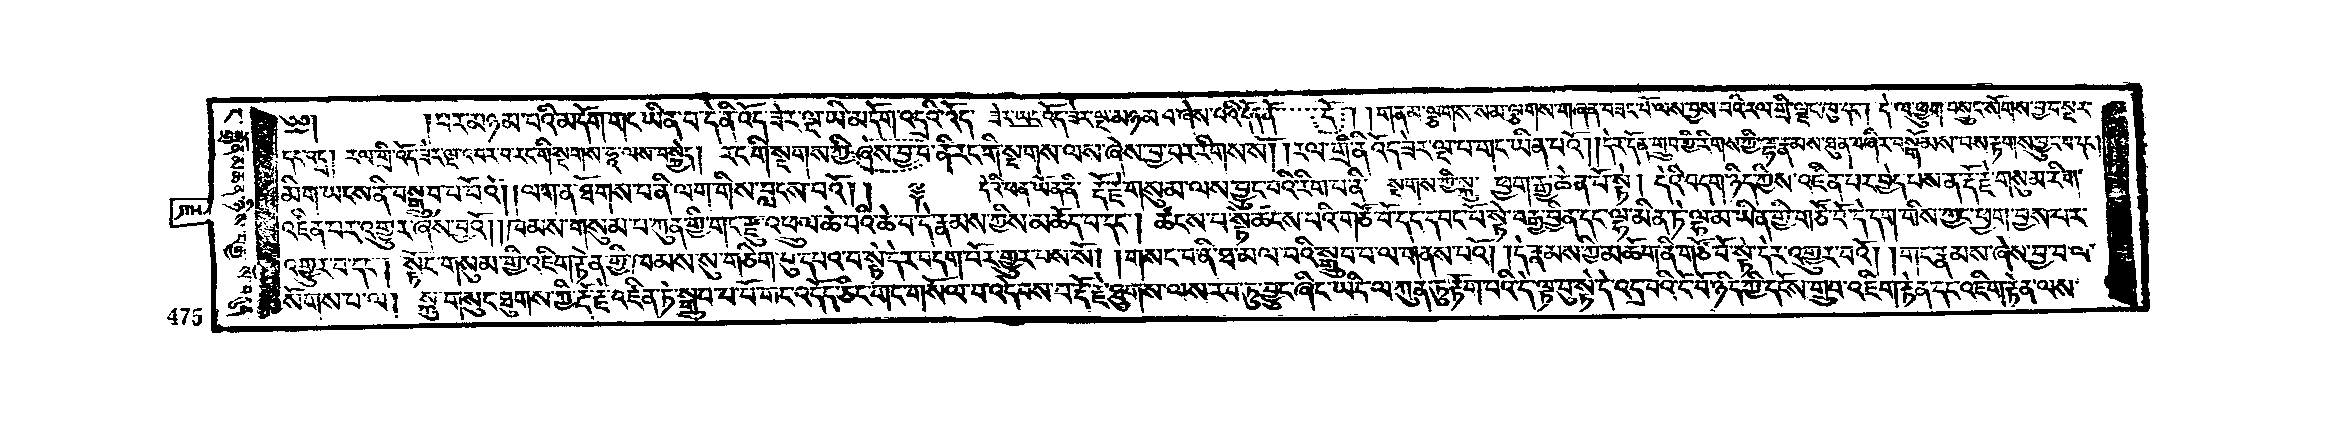༄༅། །པར་མཉམ་པའི་མདོག་གང་ཡིན་པ་དེ་ནི་འོད་ཟེར་ལྔ་ཡི་མདོག་འདྲའི་འོད་ཟེར་ཡང་འོད་ཟེར་ལྔ་མཉམ་པ་ཞེས་པའི་དོན་ནོ་དོ། །གནམ་ལྕགས་སམ་ལྕགས་གཞན་བཟང་པོ་ལས་བྱས་པའི་རལ་གྲི་ལྗང་ཁུ་དང་། དེ་ལ་ཕྱུག་བསྲུང་སོགས་བྱ་བ་སྔར་
དང་འདྲ། རལ་གྲི་འོད་ཟེར་ལྔ་འབར་བ་རང་གི་སྔགས་ཧཱ་ལས་བསྐྱེད། རང་གི་སྔགས་ཀྱི་ཞེས་བྱ་བ་ནི་རང་གི་སྔགས་ལས་ཞེས་བྱ་བར་རིགས་སོ། །རལ་གྲི་ནི་འོད་ཟེར་ལྔ་པ་གང་ཡིན་པའོ། །དེར་དོན་གྲུབ་ཀྱི་རིགས་ཀྱི་ལྷ་རྣམས་ཐུན་བཞིར་བསྒོམས་པས་རྟགས་བྱུང་བ་དང་།
མིག་ཡངས་ནི་བསྒྲུབ་པ་པོའོ། །ལག་ན་ཐོགས་པ་ནི་ལག་གིས་བླངས་པའོ།། ༈ དེའི་ཕན་ཡོན་ནི་རྡོ་རྗེ་གསུམ་ལས་བྱུང་བའི་རིག་པ་ནི་སྔགས་ཀྱི་སྐུ་ཕྱག་རྒྱ་ཆེན་པོ་སྟེ། དེའི་བདག་ཉིད་ཀྱིས་འཛིན་པར་བྱེད་པས་ན་རྡོ་རྗེ་གསུམ་རིག་
འཛིན་པར་འགྱུར་ཞེས་བྱའོ། །ཁམས་གསུམ་པ་ཀུན་གྱི་གང་རྫུ་འཕྲུལ་ཆེ་བའི་ཆེ་བ་དེ་རྣམས་ཀྱིས་མཆོད་པ་དང་། ཚངས་པ་སྟེ་ཚངས་པའི་གཙོ་བོ་དང་དབང་པོ་སྟེ་བརྒྱ་བྱིན་དང་ལྷ་མིན་ཏེ་ལྷ་མ་ཡིན་གྱི་གཙོ་བོ་དེ་དག་གིས་ཀྱང་ཕྱག་བྱས་པར་
འགྱུར་བ་དང་། སྟོང་གསུམ་གྱི་འཇིག་རྟེན་གྱི་ཁམས་སུ་གཅིག་པུ་དཔའ་བ་སྟེ་དེར་བདག་པོར་གྱུར་པས་སོ། །གསང་བ་ནི་ཐ་མལ་པའི་སྒྲུབ་པ་ལ་གནས་པའོ། །དེ་རྣམས་ཀྱི་མཆོག་ནི་གཙོ་བོ་སྟེ་དེར་འགྱུར་བའོ། །གང་རྣམས་ཞེས་བྱ་བ་ལ་
སོགས་པ་ལ། སྐུ་གསུང་ཐུགས་ཀྱི་རྡོ་རྗེ་འཛིན་ཏེ་སྒྲུབ་པ་པོ་གང་འདོད་ཅིང་གང་གསོལ་བ་འདེབས་པ་རྡོ་རྗེ་ཐུགས་ལས་རབ་ཏུ་བྱུང་ཞིང་ཡིད་ལ་ཀུན་ཏུ་རྟོག་པའི་དེ་ལྟ་བུ་སྟེ་དེ་འདྲ་བའི་ངོ་བོ་ཉིད་ཀྱི་དངོས་གྲུབ་འཇིག་རྟེན་དང་འཇིག་རྟེན་ལས་